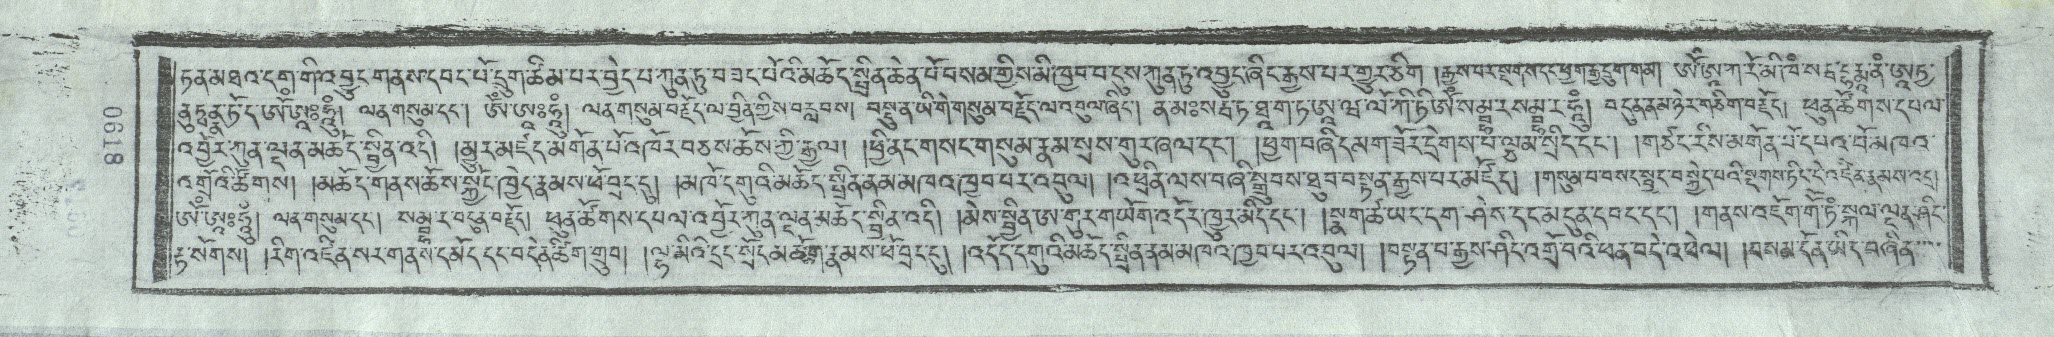ཏན་མཐའ་དག་གི་འབྱུང་གནས་དབང་པོ་དྲུག་ཚིམ་པར་བྱེད་པ་ཀུན་ཏུ་བཟང་པོའི་མཆོད་སྤྲིན་ཆེན་པོ་བསམ་གྱིས་མི་ཁྱབ་པ་དུས་ཀུན་ཏུ་འབྱུང་ཞིང་རྒྱས་པར་གྱུར་ཅིག །རྒྱུས་པར་སྔགས་དང་ཕྱག་རྒྱུ་དྲུག་གམ། ཨོཾ་ཨཱ་ཀ་རོ་མི་ཁཾ་སརྦ་དྷ་རྨཱ་ནཾ་ཨཱཏྱ་
ནུ་ཏྤ་ནྣ་ཏོ་ད་ཨོཾ་ཨཱཿ ཧཱུཾ། ལན་གསུམ་དང་། ཨོཾ་ཨཱཿ ཧཱུཾ། ལན་གསུམ་བརྗོད་ལ་བྱིན་གྱིས་བརླབས། བསྡུན་ཡི་གེ་གསུམ་བརྗོད་ལ་འབུལ་ཞིང་། ནམཿ སརྦ་ཏ་ཐཱ་ག་ཏ་ཨཱ་ཝ་ལོ་ཀི་ཏི་ཨོཾ་སམྦྷ་རས་མྦྷ་ར་ཧཱུཾ། བདུན་ནམ་མ་ཉེར་གཅིག་བརྗོད། ཕུན་ཚོགས་དཔལ་
འབྱོར་ཀུན་ལྡན་མཆོད་སྦྱིན་འདི། །མྱུར་མཛད་མགོན་པོ་འཁོར་བཅས་ཆོས་ཀྱི་རྒྱལ། །ཕྱི་ནང་གསང་གསུམ་རྣམ་སྲས་གུར་ཞལ་དང་། །ཕྱག་བཞི་དམག་ཟོར་དྲེགས་པ་ལྕམ་སྲིད་དང་། །གཙང་རིས་མགོན་པོ་དཔའ་པོ་མཁའ་
འགྲོའི་ཚོགས། །མཆོད་གནས་ཆོས་སྐྱོང་ཁྱེད་རྣམས་ཕོ་བྲང་དུ། །མཁོ་དགུའི་མཆོག་སྤྲིན་ནམ་མཁའ་ཁྱབ་པར་འབུལ། །འཕྲིན་ལས་བཞི་སྒྲུབས་ཐུབ་བསྟན་རྒྱས་པར་མཛོད། །གསུམ་པ་བསད་སྦྱད་བསྐྱེད་པའི་སྔགས་ཏིང་ངེ་འཛིན་རྣམས་འདྲ།
ཨོཾ་ཨཱཿ ཧཱུཾ། ལན་གསུམ་དང་། སྨྦྷ་ར་བདུན་བརྗོད། ཕུན་ཚོགས་དཔལ་འབྱོར་ཀུན་ལྡན་མཆོད་སྦྱིན་འདི། །མེས་སྦྱིན་ཨ་གུར་གཡོག་འདོར་ཁྱུར་མིད་དང་། །སྣག་ཚ་ཡང་དག་ཤེས་དང་མདུན་དབང་དང་། །གནས་འཇོག་གོ་ཏཾ་སྐལ་ལྡན་ཤིང་
རྟ་སོགས། །རིག་འཛིན་སར་གནས་དམོད་དང་བདེན་ཚིག་གྲུབ། །ལྷ་མིའི་དྲང་སྲོང་མཆོག་རྣམས་ཕོ་བྲང་དུ། །འདོད་དགུའི་མཆོད་སྤྲིན་ནམ་མཁའ་ཁྱབ་པར་འབུལ། །བསྟན་པ་རྒྱས་ཤིང་འགྲོ་བའི་ཕན་བདེ་འཕེལ། །བསམ་དོན་ཡིད་བཞིན་